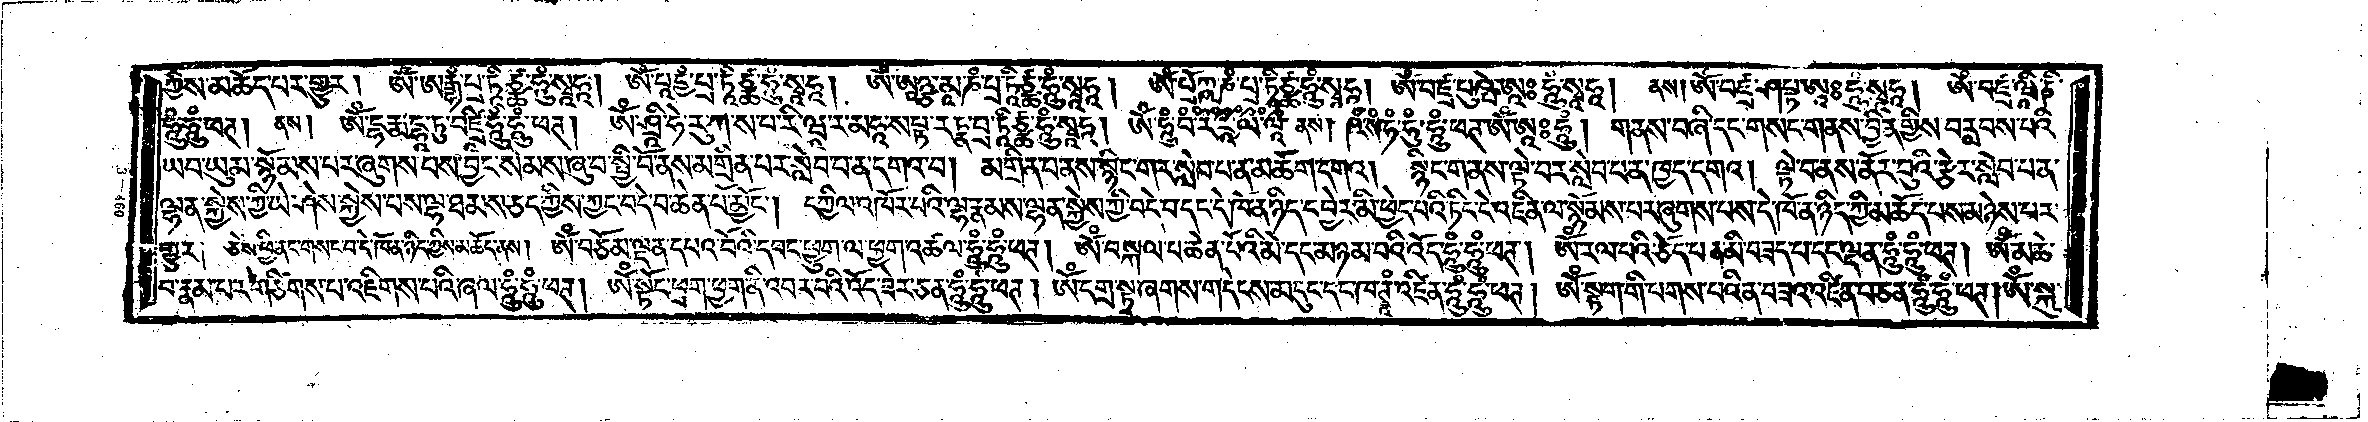ཀྱིས་མཆོད་པར་གྱུར། ཨོཾ་ཨརྒྷཾ་པྲ་ཏཱིཙྪ་ཧཱུཾ་སྭཱཧཱ། ཨོཾ་པཱདྱཾ་པྲ་ཏཱིཙྪ་ཧཱུཾ་སྭཱཧཱ། ཨོཾ་ཨཱཉྩ་མཱ་ཎཾ་པྲ་ཏཱིཙྪ་ཧཱུཾ་སྭཱཧཱ། ཨོཾ་པྲོཀྵ་ནཾ་པྲ་ཏཱིཙྪ་ཧཱུཾ་སྭཱཧཱ། ཨོཾ་བཛྲ་པུཥྤེ་ཨཱཿཧཱུཾ་སྭཱཧཱ། ནས།  ཨོཾ་བཛྲ་ཤཔྟ་ཨཱཿཧཱུཾ་སྭཱཧཱ། ཨོཾ་བཛྲ་ཝི་ཎི་
ཧཱུཾ་ཧཱུཾ་ཕཊ༺་ནས། ཨོཾ་དྷརྨ་དྷཱ་ཏུ་བིཛྲ་ཧཱུཾ་ཧཱུཾ་ཕཊ། ཨོཾ་ཤྲཱི་ཧེ་རུ་ཀ་ས་པ་རི་ཝཱ་ར་མཧཱ་སཔྟ་རཏྣ་བྲ་ཏཱིཙྪ་ཧཱུཾ་སྭཱཧཱ། ཨོཾ་ཧཱུཾ་བཾ་རྀཾ་རཱྀམ་ལྀཾ་ལཱྀཾ་ནས། ཥཾ་སཾ་ཧཾ་ཧུཾ་ཧཱུཾ་ཕཊ་ཨོཾ་ཨཱཿཧཱུཾ། གནས་བཞི་དང་གསང་གནས་བྱིན་གྱིས་བརླབས་པའི་
ཡབ་ཡུམ་སྙོམས་པར་ཞུགས་པས་བྱང་སེམས་ཞུ་བ་སྤྱི་བོ་ནས་མགྲིན་པར་སླེབ་པ་ན་དགའ་བ། མགྲིན་པ་ནས་སྙིང་གར་སླེབ་པ་ན་མཆོད་དགའ། སྙིང་ག་ནས་ལྟེ་བར་སླེབ་པ་ན་ཁྱད་དགའ། ལྟེ་བ་ནས་ནོར་བུའི་རྩེར་སླེབ་པ་ན་
ལྷན་སྐྱེས་ཀྱི་ཡེ་ཤེས་སྐྱེས་པས་ལྷ་ཐམས་ཅད་ཀྱིས་ཀྱང་བདེ་བ་ཆེན་པོ་མྱོང་། དཀྱིལ་འཁོར་པའི་ལྷ་རྣམས་ལྷན་སྐྱེས་ཀྱི་བདེ་བ་དང་དེ་ཁོ་ན་ཉིད་དབྱེརྨི་ཕྱེད་པའི་ཏིང་ངེ་འཛིན་ལ་སྙོམས་པར་ཞུགས་པས་དེ་ཁོ་ན་ཉིད་ཀྱི་མཆོད་པས་མཉེས་པར་
གྱུར། ཅེས་ཕྱི་ནང་གསང་བ་དེ་ཁོ་ན་ཉིད་ཀྱིས་མཆོད་ནས།  ཨོཾ་བཅོམ་ལྡན་དཔའ་བོའི་དབང་ཕྱུག་ལ་ཕྱག་འཚལ་ཧཱུཾ་ཧཱུཾ་ཕཊ། ཨོཾ་བསྐལ་པ་ཆེན་པོའི་མེ་དང་མཉམ་པའི་འོད་ཧཱུཾ་ཧཱུཾ་ཕཊ། ཨོཾ་རལ་པའི་ཅོད་པན་མི་བཟད་པ་དང་ལྡན་ཧཱུཾ་ཧཱུཾ་ཕཊ། ཨོཾ་མཆེ་
བ་རྣམ་པར་གཙིགས་པ་འཇིགས་པའི་ཞལ་ཧཱུཾ་ཧཱུཾ་ཕཊ། ཨོཾ་སྟོང་ཕྲག་ཕྱག་ནི་འབར་བའི་འོད་ཟེར་ཅན་ཧཱུཾ་ཧཱུཾ་ཕཊ། ཨོཾ་དགྲ་སྟ་ཞགས་གདེངས་མདུང་དང་ཁ་ཊཱཾ་འཛིན་ཧཱུཾ་ཧཱུཾ་ཕཊ། ཨོཾ་སྟག་གི་པགས་པའི་ན་བཟའ་འཛིན་པ་ཅན་ཧཱུཾ་ཧཱུཾ་ཕཊ། ཨོཾ་སྐུ་